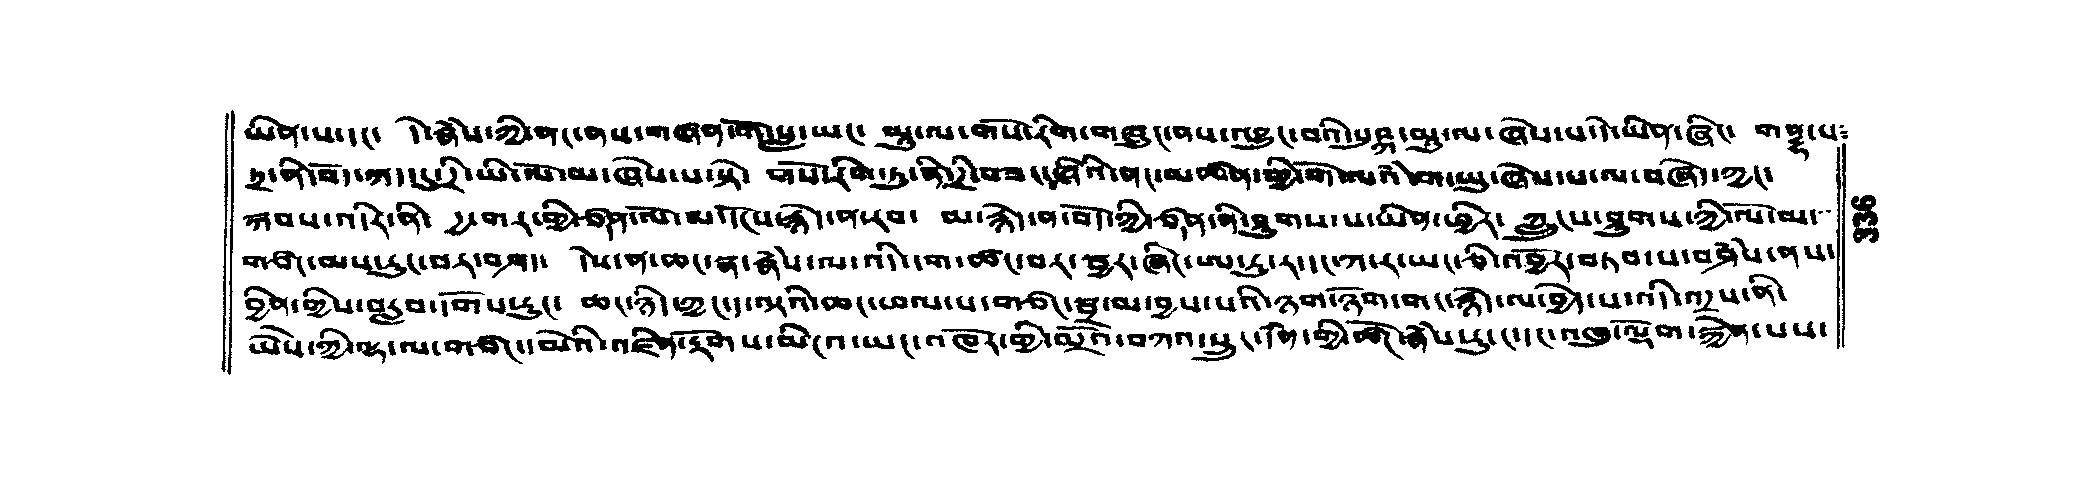ཡིན་པ་དང་། དེ་རྣམས་ཀྱི་ནང་ནས་གཞན་གོ་སླ་ཡང་། མཱུ་ལ་གསོ་རིག་གཞུང་ནས་འབྱུང་བའི་པུ་ཥྐ་མཱུ་ལ་ཞེས་པ་དེ་ཡིན་ཕྱིར། གནྡྷ་པ་
ཏྲ་ནི་བོད་སྐད་དུ་དྲི་ཡི་ལོ་མ་ཞེས་པ་སྟེ། གསོ་རིག་ཏུ་ནི་དྲི་བཟང་བཞིའི་ནང་ཚན་གྱི་གོ་ལའམ་ག་ཡུ་ཞེས་པ་བཞེད་ཀྱང་། 
སྐབས་འདིར་ནི་རྒྱ་གར་གྱི་ཙན་དན་ལོ་མ་དངོས་རྙེད་ན་རབ། མ་རྙེད་ན་བོད་ཀྱི་ཙན་དན་ནི་ཤུགས་པ་ཡིན་ཕྱིར་ཀླུངས་ཤུགས་ཀྱི་ལོ་མ་
གཙང་མའི་རུང་བར་བཤད། དེས་ན་ཆང་སྣ་རྣམས་ལ་འདི་དག་ཚང་བར་སྦྱར་ཞིང་ཨ་རུ་ར་དང་ཀ་ར་ཡང་ཅི་འབྱོར་བཏབ་པ་བཤམས་ནས་
བྱིན་གྱིས་བརླབ་དགོས་རུང་། ཆང་ཉིད་ཀྱང་ད་ལྟའི་ཆང་ཕལ་པ་གཙང་སྦྲ་མ་བྱས་པའི་ཉག་ཉོག་གང་རྙེད་ལ་བྱེད་པ་འདི་འདྲས་ནི་
ཡེ་ཤེས་ཀྱི་ལྷ་ལ་གཙང་དམེའི་འཛིན་རྟོག་མི་མངའ་ཡང་འཁོར་གྱི་མཁའ་འགྲོ་བཀའ་སྲུང་དམ་ཅན་གྱི་ཚོགས་རྣམས་རུ་ང་དང་འཁུ་ལྡོག་རྐྱེན་པས་